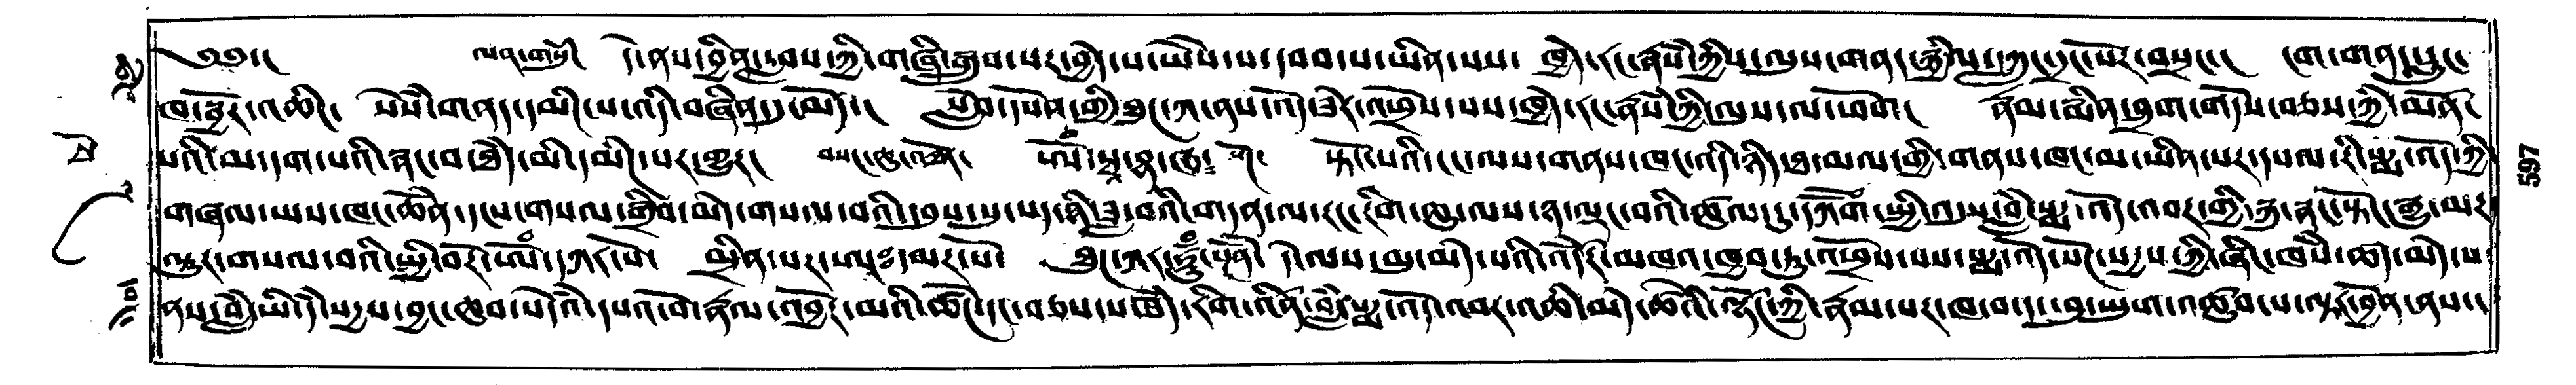ལན་གསུམ། དེ་ནས་བྱིན་རླབས་ཀྱི་གཞི་སྒྲུབ་པར་བྱེད་པ་ཡེ་ཤེས་པ་དབབ་པ་ཡིན་པས། ཁྱེད་རང་རྣམས་ཀྱིས་ལུས་གནད་སྐྱིལ་ཀྲུང་དྲང་པོར་བསྲང་། ངག་གནད་རླུང་
ཁ་སྦྱོར་འཆིང་། སེམས་གནད་དམིགས་པ་འདི་བཞིན་དུ་མཛད། སློབ་དཔོན་གྱི་ཐུགས་ཀ་ནས་འོད་ཟེར་འཕྲོས་པས་ཁྱེད་རང་རྣམས་ཀྱི་ལུས་ལ་ཕོག རྣམ་སྨིན་ཤ་ཁྲག་གདོས་བཅས་ཀྱིས་མཚོན་
པའི་མ་དག་པའི་སྣང་བ་ཐམས་ཅད་མི་དམིགས་པར་གྱུར། བསང་ཆུ་འཐོར། ཨོཾ་སྭ་བྷཱ་ཝ༴ སོགས། སྟོང་པའི་ངང་ལས་གནས་ཁང་འདི་ཉིད་ཐ་མལ་གྱི་གནས་ཁང་མ་ཡིན་པར་དཔལ་རི་པདྨ་འོད་ཀྱི་
གཞལ་ཡས་ཁང་ཆེན་པོ་དྭངས་གསལ་སྒྲིབ་མེད་གསལ་བའི་དབུས་སུ་པད་ཉི་ཟླ་བའི་གདན་ལ་རང་རིག་ཆུ་ལས་ཉ་ལྡང་བའི་ཚུལ་དུ་དཀོན་མཆོག་གསུམ་སྤྱི་འདུས་བླ་མ་པདྨ་འོད་འབར་གྱི་སྐུ་སྣང་སྟོང་སྒྱུ་མར་
ལྟ་བུར་གསལ་བའི་སྤྱི་བོར་ཨོཾ་དཀར་པོ།མགྲིན་པར་ཨཱཿདམར་པོ། ཐུགས་ཀར་ཧཱུྃ་སྔོན་པོ། དེ་ལས་མུ་མེད་པའི་འོད་ཟེར་མཁའ་ཁྱབ་ཏུ་འཕྲོས་པས་པདྨ་འོད་སོགས་སངས་རྒྱས་ཀྱི་ཞིང་ཁམས་ཚད་མེད་པ་
ནས་བླ་མ་ཡི་དམ་སངས་རྒྱས་བྱང་ཆུབ་སེམས་དཔའ་དཔའ་བོ་རྣལ་འབྱོར་མའི་ཚོགས་དང་བཅས་པ་ཐམས་ཅད་རིག་འཛིན་བླ་མ་པདྨ་འོད་འབར་འཆི་མེད་ཚེ་ཡི་ལྷ་ཚོགས་ཀྱི་རྣམ་པར་ཁ་བ་དང་བུ་ཡུག་འཚུབས་པ་ལྟར་བྱོན་ནས་